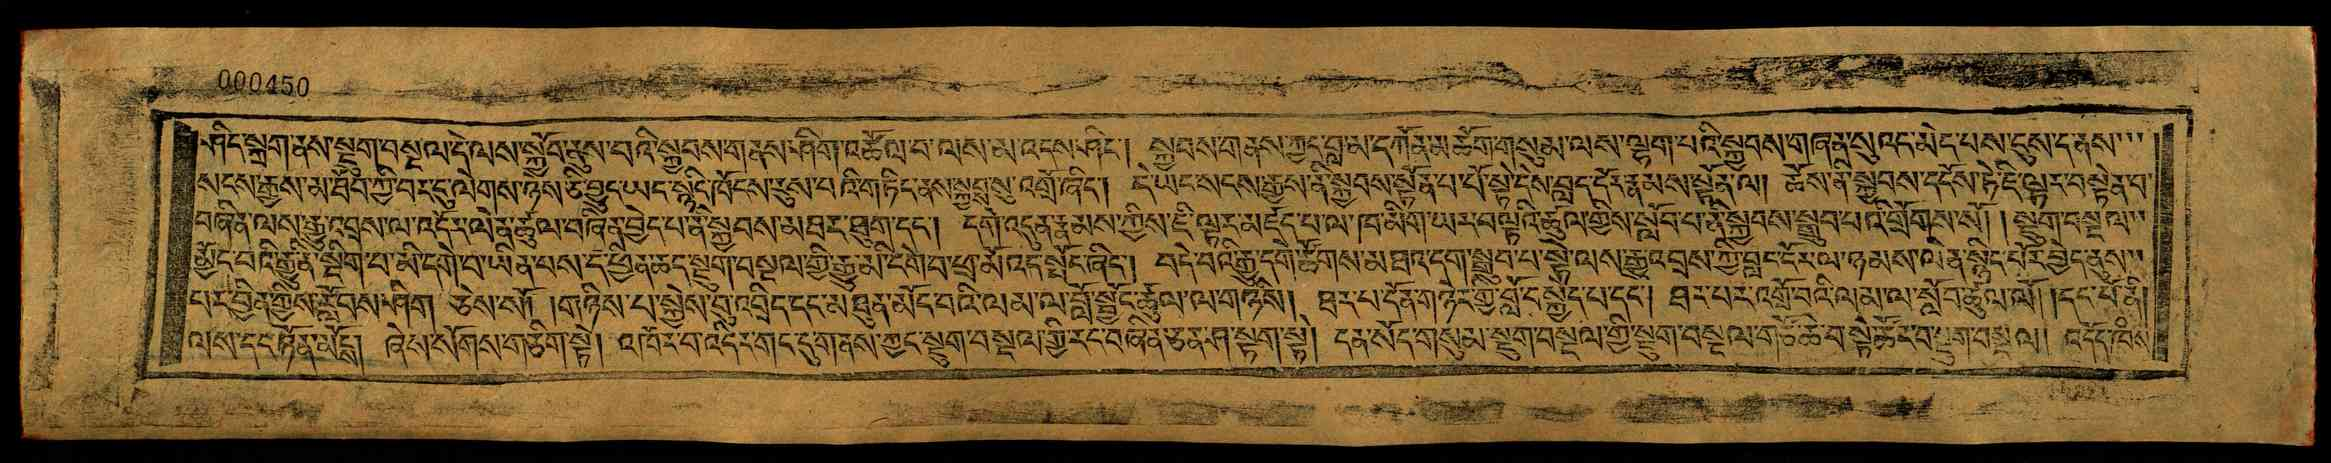ཤིང་སྐྲག་ནས་སྡུག་བསྔལ་དེ་ལས་སྐྱོབ་ནུས་པའི་སྐྱབས་གནས་ཤིག་འཚོལ་བ་ལས་མ་འདས་ཤིང་། སྐྱབས་གནས་ཀྱང་བླ་མ་དཀོན་མཆོག་གསུམ་ལས་ལྷག་པའི་སྐྱབས་གཞན་སུའང་མེད་པས་དུས་ད་ནས་
སངས་རྒྱས་མ་ཐོབ་ཀྱི་བར་དུ་ལེགས་ཉེས་ཅི་བྱུང་ཡང་སྙིང་ཁོངས་རུས་པའི་གཏིང་ནས་སྐྱབས་སུ་འགྲོ་ཞིང་། དེ་ཡང་སངས་རྒྱས་ནི་སྐྱབས་སྟོན་པ་པོ་སྟེ་དེས་བླང་དོར་རྣམས་སྟོན་ལ། ཆོས་ནི་སྐྱབས་དངོས་ཏེ་ཇི་ལྟར་བསྟན་པ་
བཞིན་ལས་རྒྱུ་འབྲས་ལ་འདོར་ལེན་ཚུལ་བཞིན་བྱེད་པ་ནི་སྐྱབས་མཐར་ཐུག་དང་། དགེ་འདུན་རྣམས་ཀྱིས་ཇི་ལྟར་མཛད་པ་ལ་ཁ་མིག་ཡར་བལྟའིཚུལ་གྱིས་སློབ་པ་ནི་སྐྱབས་སྒྲུབ་པའི་གྲོགས་སོ། །སྡུག་བསྔལ་
མྱོང་བའི་རྒྱུ་ནི་སྡིག་པ་མི་དགེ་བ་ཡིན་པས་ད་ཕྱིན་ཆད་སྡུག་བསྔལ་གྱི་རྒྱུ་མི་དགེ་བ་ཕྲ་མོའངྶྤོང་ཞིང་། བདེ་བའི་རྒྱུ་དགེ་ཚོགས་མཐའ་དག་སྒྲུབ་པ་སྟེ་ལས་རྒྱུ་འབྲས་ཀྱི་བླང་དོར་ལ་ཉམས་ལེན་སྙིང་པོར་བྱེད་ནུས་
པར་བྱིན་གྱིས་རློབས་ཤིག་ཅེས་སོ། །གཉིས་པ་སྐྱེས་བུ་འབྲིང་དང་མཐུན་མོང་བའི་ལམ་ལ་བློ་སྦྱོང་ཚུལ་ལ་གཉིས། ཐར་པ་དོན་གཉེར་གྱི་བློ་བསྐྱེད་པ་དང་། ཐར་པར་འགྲོ་བའི་ལམ་ལ་སློབ་ཚུལ་ལོ། །དང་པོ་ནི།
ལས་དང་ཉོན་མོངས། ཞེས་སོགས་གཅིག་སྟེ། འཁོར་བ་འདིར་གང་དུ་གནས་ཀྱང་སྡུག་བསྔལ་གྱི་རང་བཞིན་ཅན་ཤ་སྟག་སྟེ། ངན་སོང་གསུམ་སྡུག་བསྔལ་གྱི་སྡུག་བསྔལ་གཙོ་ཆེ་བ་སྟེ་ཚོར་བ་སྡུག་བསྔལ། འདོད་ཁཾས་